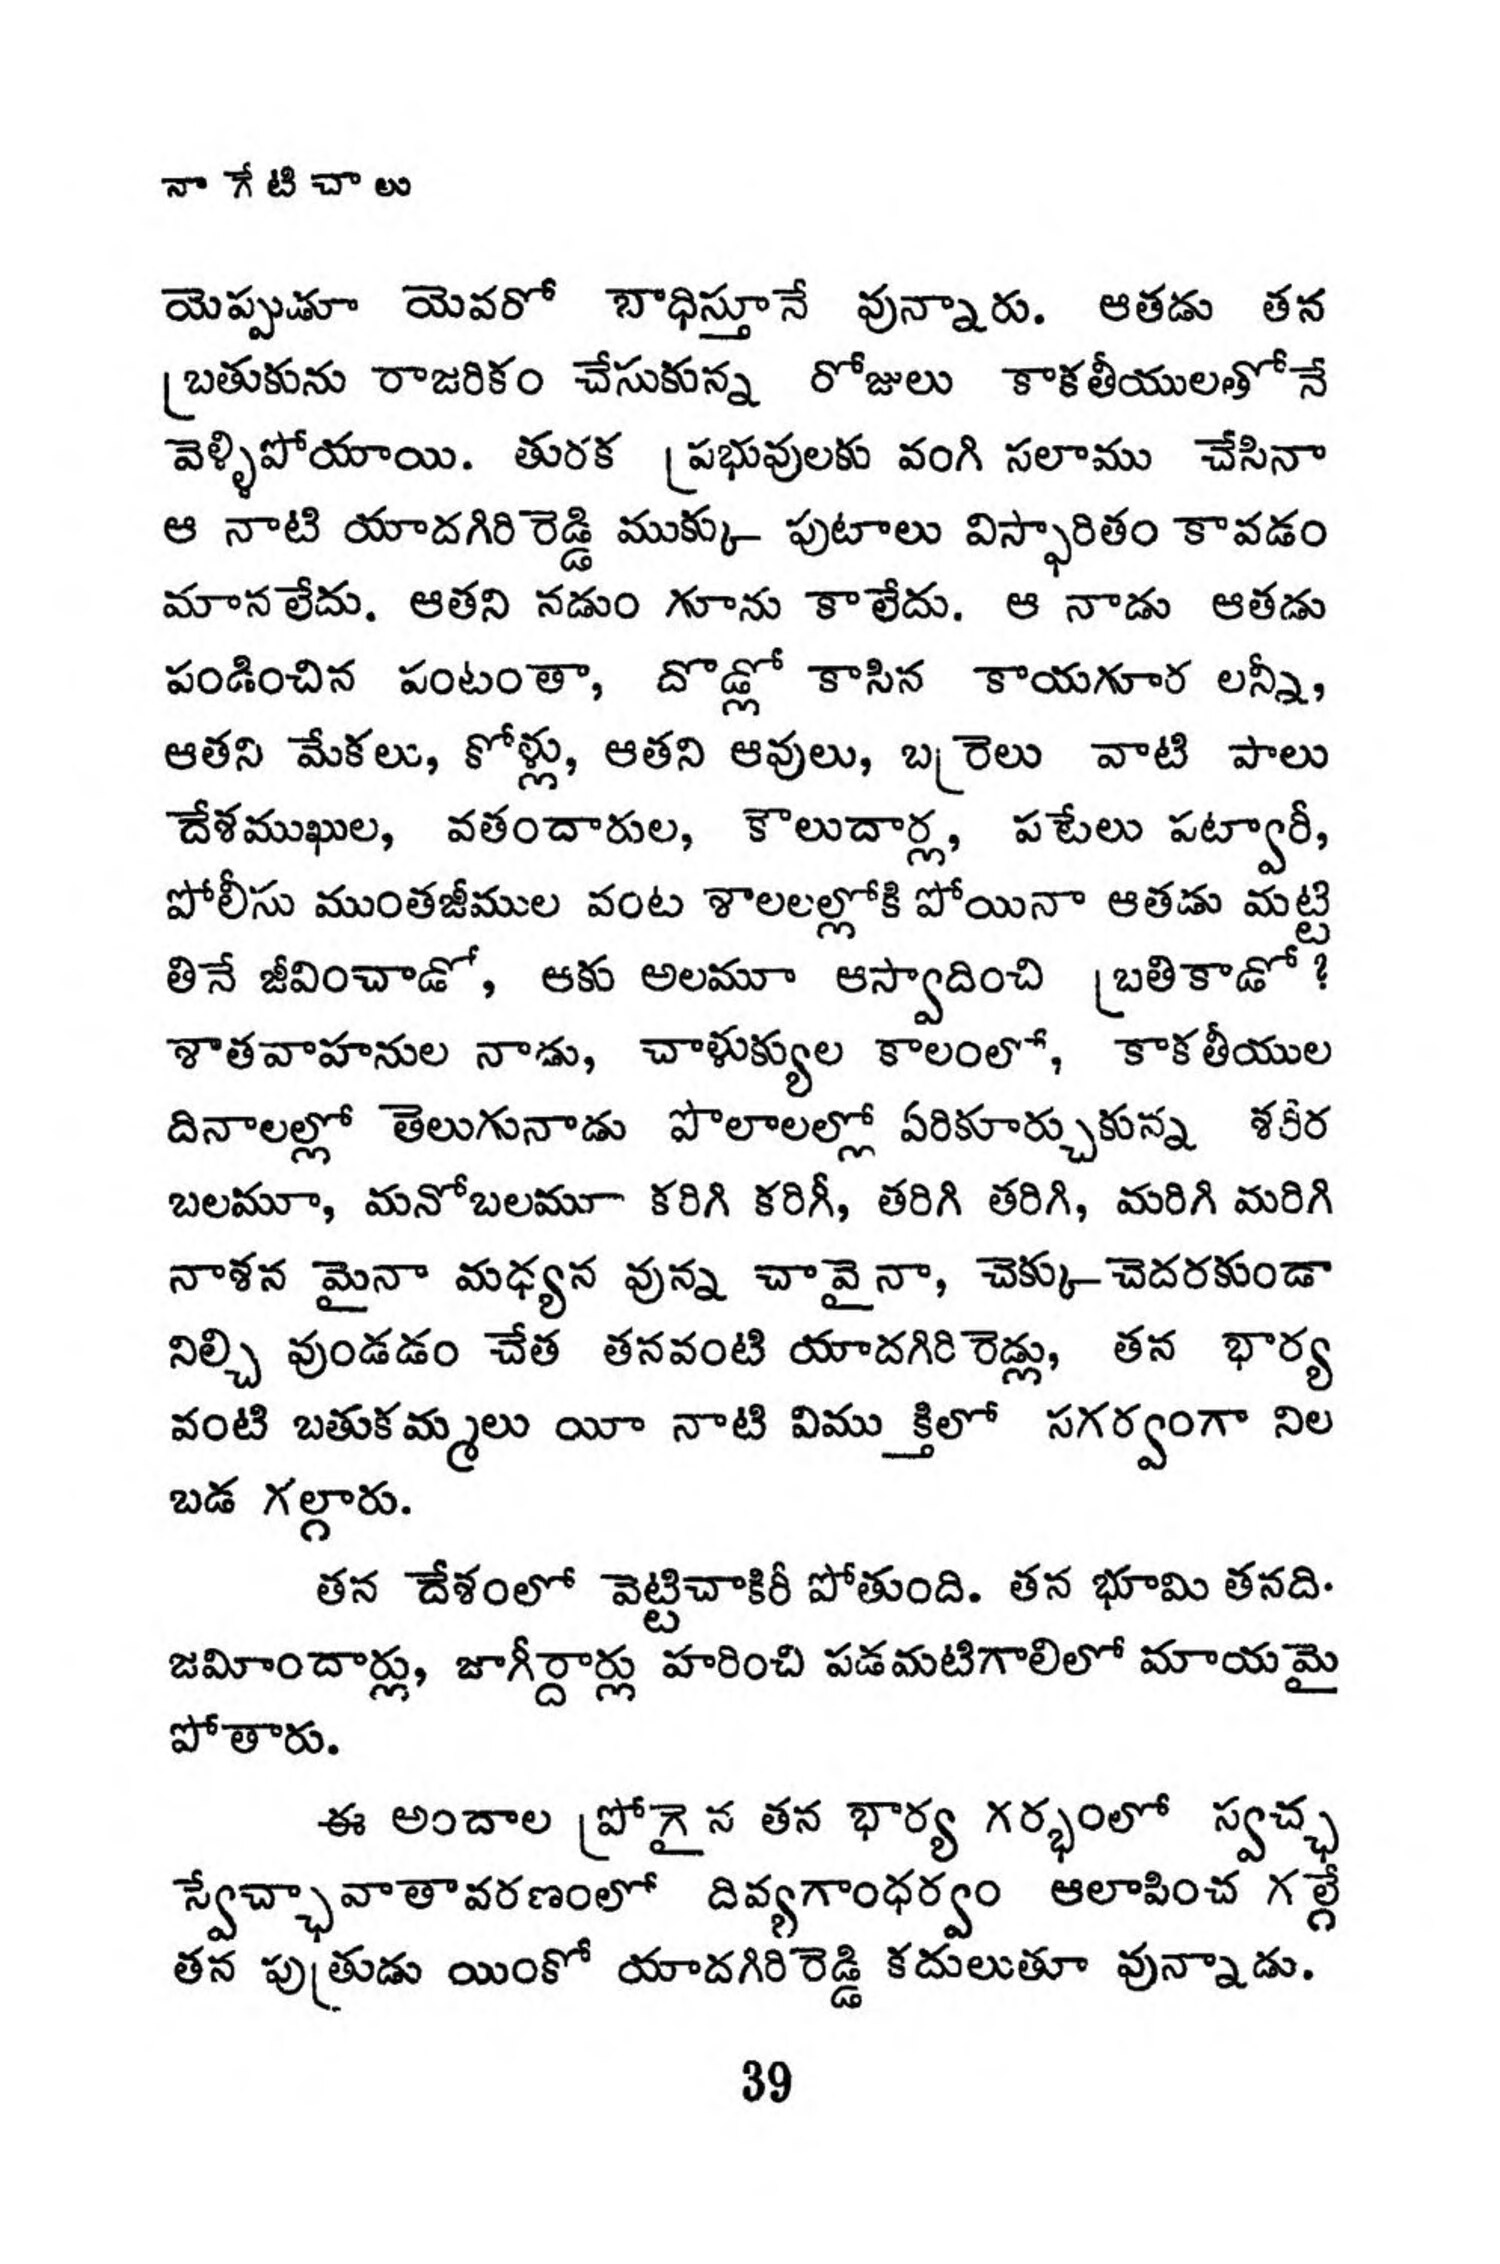యెప్పుడూ యెవరో బాధిస్తూనే వున్నారు. ఆతడు తన బ్రతుకును రాజరికం చేసుకున్న రోజులు కాకతీయులతోనే వెళ్ళిపోయాయి. తురక ప్రభువులకు వంగి సలాము చేసినా ఆ నాటి యాదగిరిరెడ్డి ముక్కు పుటాలు విస్ఫారితం కావడం మానలేదు. ఆతని నడుం గూను కాలేదు. ఆ నాడు ఆతడు పండించిన పంటంతా, దొడ్లో కాసిన కాయగూర లన్నీ, ఆతని మేకలు, కోళ్లు, ఆతని ఆవులు, బర్రెలు వాటి పాలు దేశముఖుల, వతందారుల, కౌలుదార్ల, పటేలు పట్వారీ, పోలీసు ముంతజీముల వంట శాలలల్లోకిపోయినా ఆతడు మట్టి తినే జీవించాడో, ఆకు అలమూ ఆస్వాదించి బ్రతికాడో? శాతవాహనుల నాడు, చాళుక్యుల కాలంలో, కాకతీయుల దినాలల్లో తెలుగునాడు పొలాలల్లో ఏరికూర్చుకున్న శరీర బలమూ, మనోబలమూ కరిగి కరిగీ, తరిగి తరిగి, మరిగి మరిగి నాశనమైనా మధ్యన వున్న చావైనా, చెక్కుచెదరకుండా నిల్చి వుండడం చేత తనవంటి యాదగిరిరెడ్లు, తన భార్య వంటి బతుకమ్మలు యీ నాటి విమిక్తిలో సగర్వంగా నిలబడ గల్గారు.

తన దేశంలో వెట్టిచాకిరీ పోతుంది. తన భూమి తనది. జమీందార్లు, జాగీర్దార్లు హరించి పడమటిగాలిలో మాయమై పోతారు.

ఈ అందాల ప్రోగైన తన భార్య గర్భంలో స్వచ్ఛ స్వేచ్ఛావాతావరణంలో దివ్యగాంధర్వం ఆలాపించ గల్గే తన పుత్రుడు యింకో యాదగిరిరెడ్డి కదులుతూ వున్నాడు.